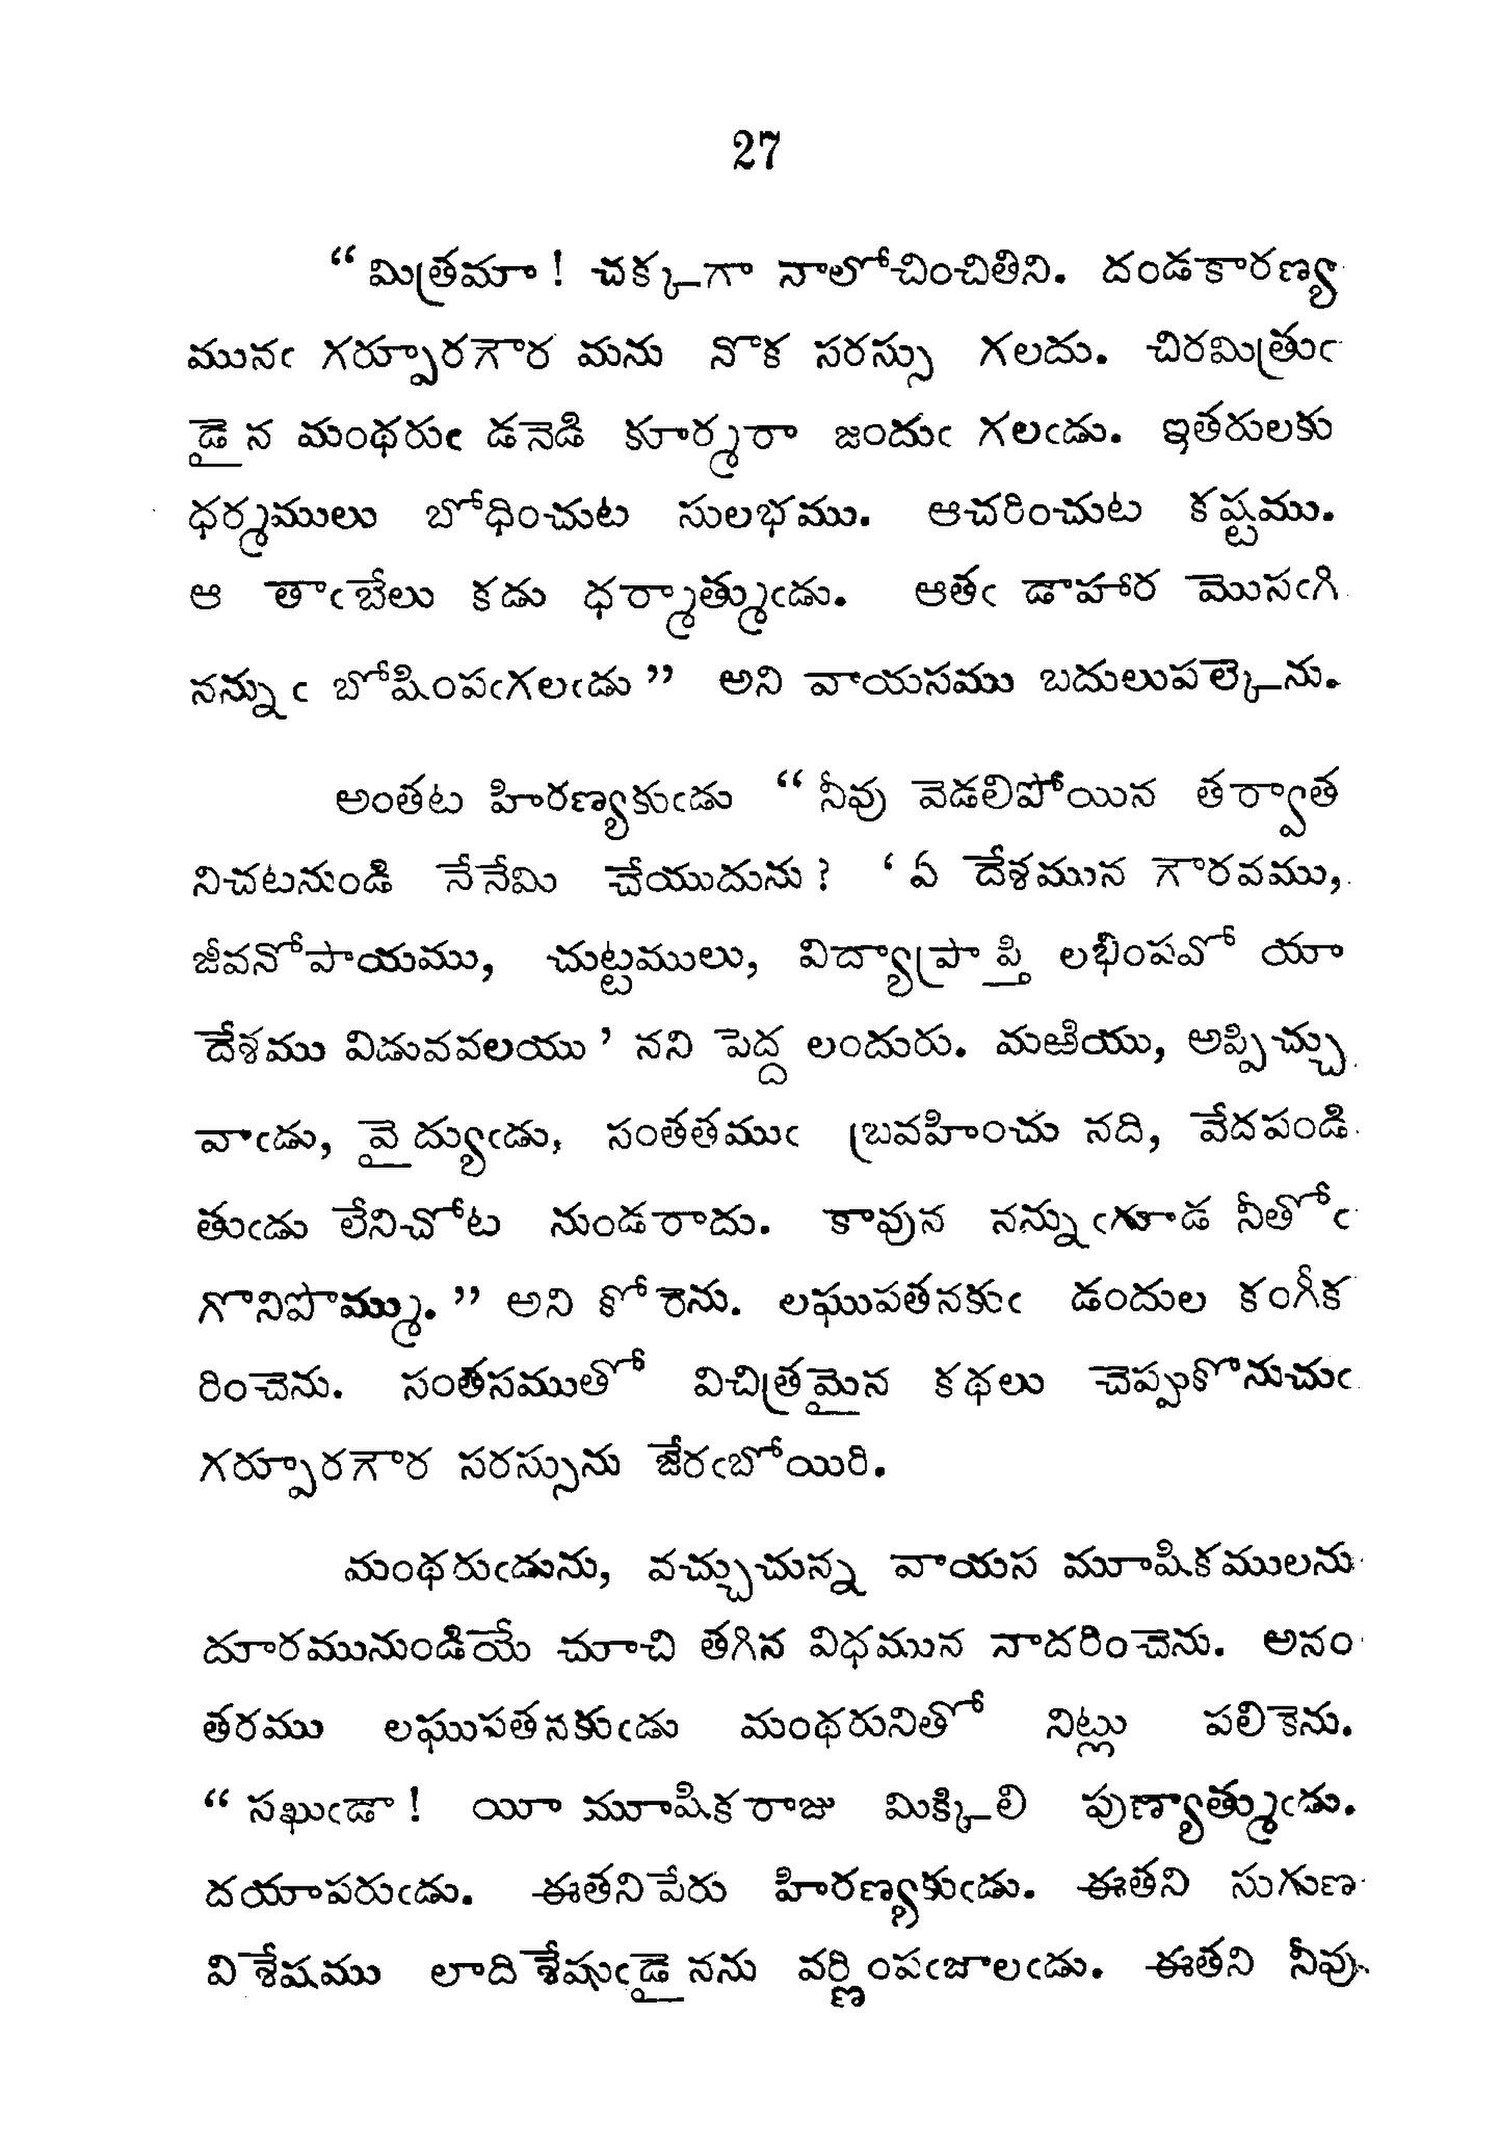"మిత్రమా! చక్కగా నాలోచించితిని. దండకారణ్యమున గర్పూరగౌర మను నొక సరస్సు గలదు. చిరమిత్రుడైన మంథరు డనెడి కూర్మరా జందు గలడు. ఇతరులకు ధర్మములు బోధించుట సులభము. ఆచరించుట కష్టము. ఆ తాబేలు కడు ధర్మాత్ముడు. ఆత డాహార మొసగి నన్ను బోషింపగలడు" అని వాయసము బదులుపల్కెను. 

అంతట హిరణ్యకుడు "నీవు వెడలిపోయిన తర్వాత నిచటనుండి నేనేమి చేయుదును? "ఏ దేశమున గౌరవము, జీవనోపాయము, చుట్టములు, విద్యాప్రాప్తి లభింపవో యా దేశము విడువవలయు" నని పెద్ద లందురు. మఱియు, అప్పిచ్చువాడు, వైద్యుడు, సంతతము బ్రవహించు నది, వేదపండితుడు లేనిచోట నుండరాదు. కావున నన్నుగూడ నీతో గొనిపొమ్ము." అని కోరెను. లఘుపతనకు డందుల కంగీకరించెను. సంతసముతో విచిత్రమైన కథలు చెప్పుకొనుచు గర్పూరగౌర సరస్సును జేరబోయిరి. 

మంథరుడును, వచ్చుచున్న వాయస మూషికములను దూరమునుండియే చూచి తగిన విధమున నాదరించెను. అనంతరము లఘుపతనకుడు మంథరునితో నిట్లు పలికెను. "సఖుడా! యీ మూషికరాజు మిక్కిలి పుణ్యాత్ముడు. దయాపరుడు. ఈతనిపేరు హిరణ్యకుడు. ఈతని సుగుణ విశేషము లాదిశేషుడైనను వర్ణింపజాలడు. ఈతని నీవు